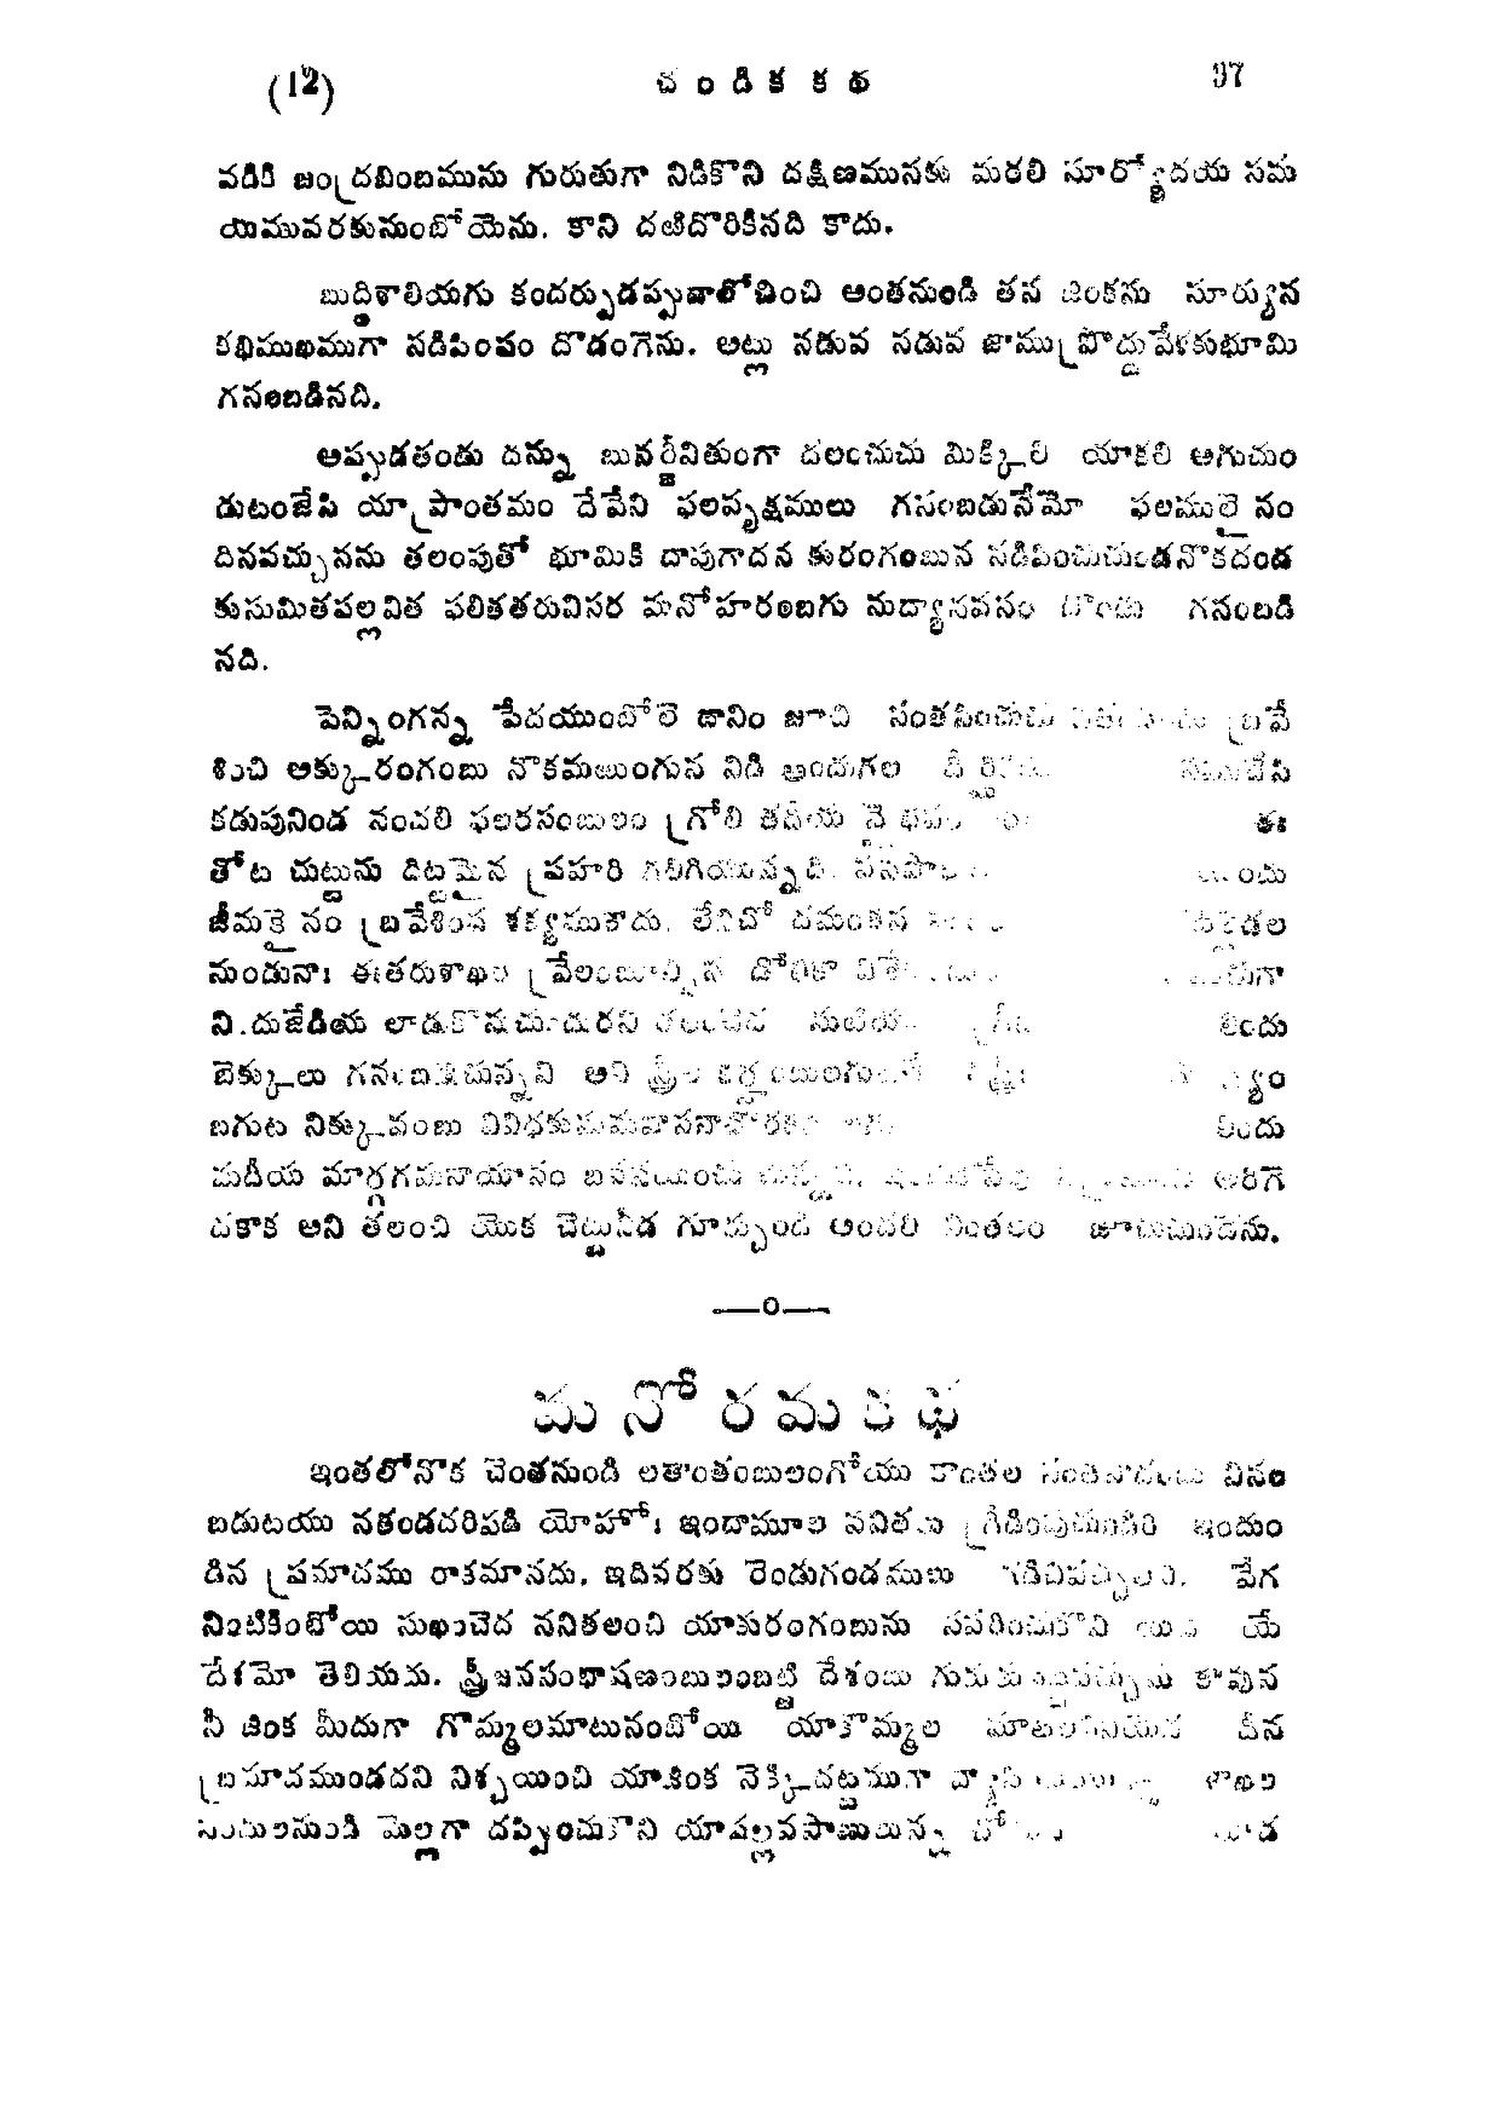వడికి జంద్రబింబమును గురుతుగా నిడికొని దక్షిణమునకు మరలి సూర్యోదయసమయమువరకునుం బోయెను. కాని దఱిదొరికినది కాదు.

బుద్ధిశాలియగు కందర్పు డప్పు డాలోచించి అంతనుండి తన జింకను సూర్యున కభిముఖముగా నడిపింపం దొడంగెను. అట్లు నడువ నడువ జాము ప్రొద్దువేళకు భూమి గనంబడినది.

అప్పు డతండు దన్ను బునర్జీవితుంగా దలంచుచు మిక్కిలి యాకలి అగుచుండుటంజేసి యాప్రాంతమం దేవేని ఫలవృక్షములు గనంబడునేమో ఫలములైనం దినవచ్చునను తలంపుతో భూమికి దాపుగా దన కురంగంబున నడిపించుచుండ నొకదండ కుసుమితపల్లవితఫలితతరువిసరమనోహరంబగు నుద్యానవనం బొండు గనంబడినది.

పెన్నిధింగన్న పేదయుంబోలె దానిం జూచి సంతసించుచు నతఁ డందు బ్రవేశించి అక్కురంగంబు నొకమఱుంగున నిడి అందుగల దీర్ఘి ------------------- నముచేసి కడుపునిండ నందలి ఫలరసంబులం గ్రోలి తదీయ వైభవ ------------------- ఈ తోట చుట్టును దిట్టమైన ప్రహరి గలిగియున్నది. వనపాల ----------------యందు జీమకైనం బ్రవేశింప శక్యముకాదు. లేనిచో దమంతన ---------------------యెల్లెడల నుండునా ! ఈ తరుశాఖల వ్రేలంబూన్చిన డోలికావిశేష ---------------తరచుగా నిందు జేడియ లాడుకొనుచుందురని తలంచెద మఱియు ----------------- లిందు బెక్కులు గనంబడుచున్నవి అవి స్త్రీల కర్హంబులగుటచే ------------------- బగుట నిక్కువంబు వివిధకుసుమవాసనా ------------------- లిందు మదీయ మార్గగమనాయనం బవనయించు ---------------------- అరిగెదకాక అని తలంచి యొక చెట్టునీడ గూర్చుండి అందలి వింతలం జూచుచుండెను.

మనోరమ కథ

ఇంతలో నొక చెంతనుండి లతాంతంబులంగోయు కాంతల నెలతనాదంబు వినంబడుటయు నతండదరిపడి యోహో! ఇందామూల వనితలు గ్రీడింపుచుండిరి. ఇందుండిన ప్రమాదము రాకమానదు. ఇదివరకు రెండుగండములు గడిచివచ్చితిని. వేగ నింటికింబోయి సుఖించెద ననితలంచి యాకురంగంబును సవరించుకొని యిది యే దేశమో తెలియదు. స్త్రీజనసంభాషణంబులంబట్టి దేశంబు గురుతుపట్టవచ్చును కావున నీ జింక మీదుగా గొమ్మలమాటునంబోయి యాకొమ్మల మాటలవినియెద దీన బ్రమాదముండదని నిశ్చయించి యాజింక నెక్కి దట్టముగా వ్యాపించియున్న శాఖల సందులనుండి మెల్లగా దప్పించుకొని యాపల్లవపాణులున్న చోటికి...